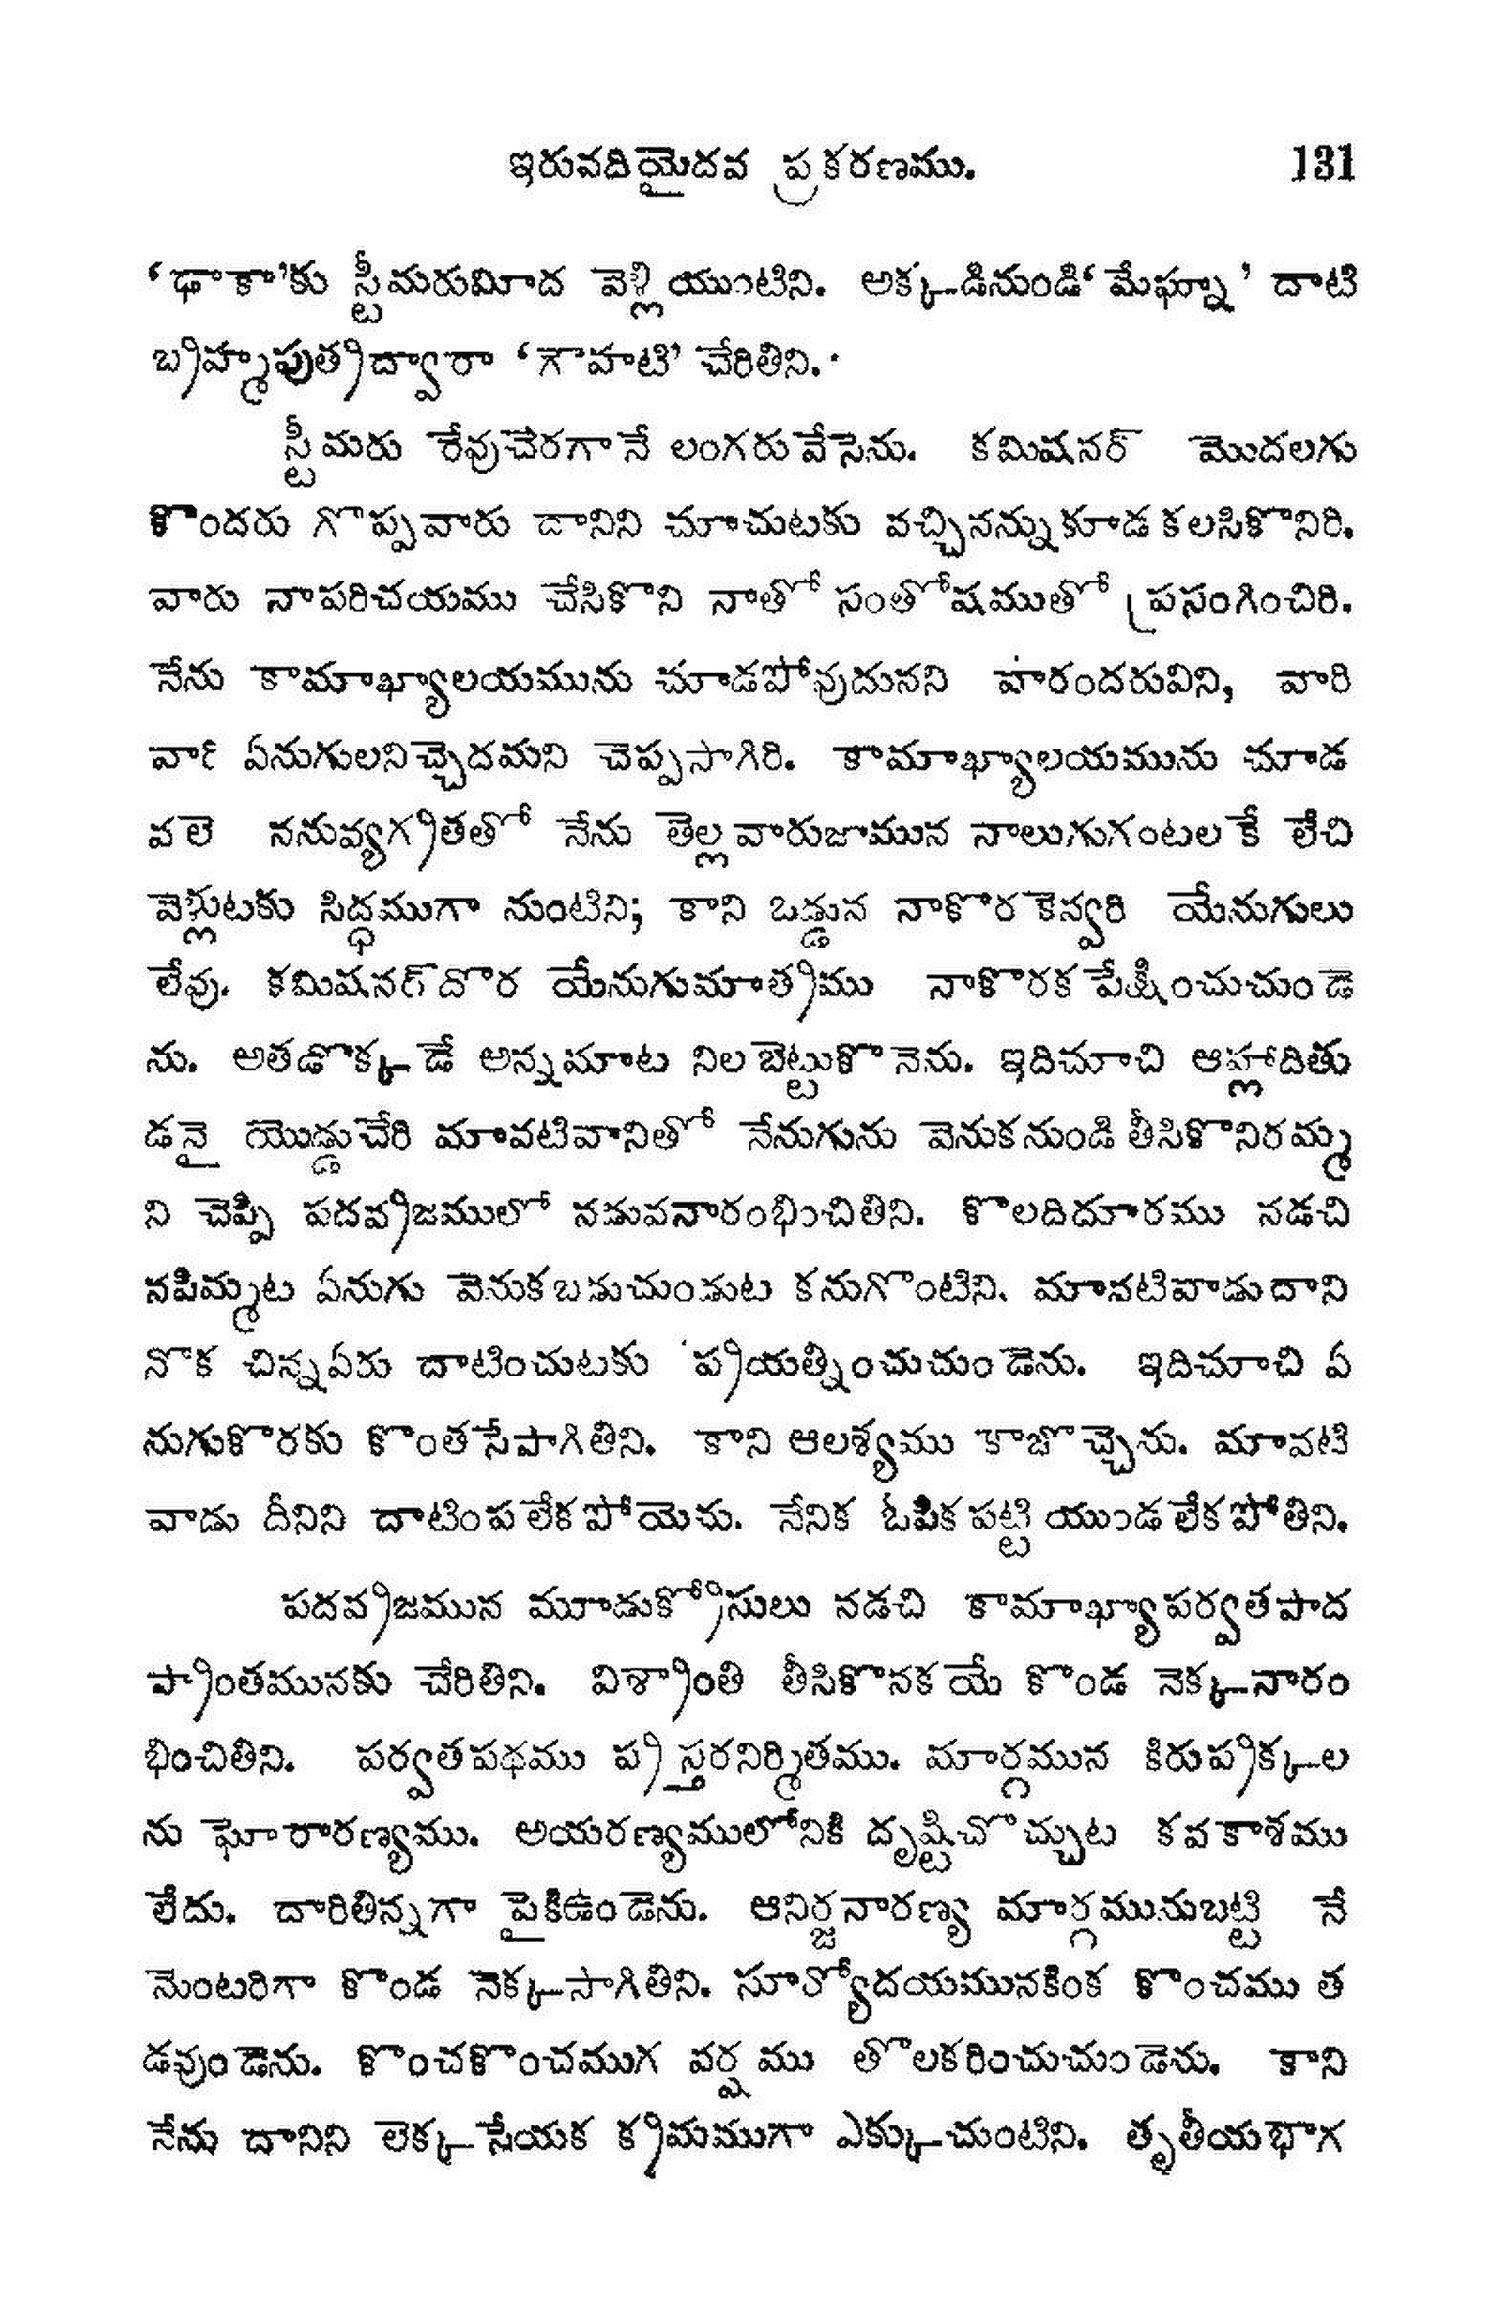'ఢాకా'కు స్టీమరుమీద వెళ్లి యుంటిని. అక్కడినుండి' మేఘ్నా ' దాటి
బ్రహ్మపుత్ర ద్వారా 'గౌహటి' చేరితిని. "

స్టీమరు రేవు చేరగానే లంగరు వేసెను. కమిషనర్ మొదలగు
కొందరు గొప్పవారు దానిని చూచుటకు వచ్చినన్ను కూడ కలసి కొనిరి.
వారు నాపరిచయము చేసికొని నాతో సంతోషముతో ప్రసంగించిరి.
నేను కామాఖ్యాలయమును చూడ పోవుదునని వారందరువిని, వారి
వారి ఏనుగులని చ్చెదమని చెప్పసాగిరి. కామాఖ్యాలయమును 
చూడవలె ననువ్యగ్రతతో నేను తెల్ల వారుజామున నాలుగు గంటలకే 
లేచి వెళ్లుటకు సిద్ధముగా నుంటిని; కాని ఒడ్డున నాకొరకెన్వరి 
యేనుగులు లేవు. కమిషనర్ దొర యేనుగు మాత్రము నాకొరక 
పేక్షించు చుండెను. అతడొక్కడే అన్నమాట నిల బెట్టుకొనెను. 
ఇదిచూచి ఆహ్లాదితుడనై మొడ్డు చేరి మావటివానితో నేనుగును 
వెనుక నుండి తీసికొని రమ్మని చెప్పి పదవ్రజములో నడువ
నారంభించితిని. కొలదిదూరము నడచి నపిమ్మట ఏనుగు 
వెనుక బడుచుండుట కనుగొంటిని, మావటివాడు దానినొక చిన్న 
ఏరు దాటించుటకు ప్రయత్నించుచుండెను. ఇదిచూచి
ఏనుగు కొరకు కొంత సేపాగితిని. కాని ఆలశ్యము కాబొచ్చెను. 
మావటివాడు దీనిని దాటింప లేక పోయెను. నేనిక ఓపిక పట్టి 
యుండ లేక పోతిని,

పదవజమున మూడుకోసులు నడచి కామాఖ్యా పర్వత పాద
ప్రాంతమునకు చేరితిని. విశ్రాంతి తీసి కొనకయే కొండ నెక్క
నారంభించితిని. పర్వత పథము ప్రస్తర నిర్మితము. మార్గమున 
కిరుపక్కలను ఘోరారణ్యము. అయరణ్యము లోనికి దృష్టి
చొచ్చుట కవకాశములేదు. దారితిన్నగా పైకిఉండెను. ఆ
నిర్జనారణ్య మార్గమునుబట్టి నేనొంటరిగా కొండ నెక్క-సాగితిని. 
సూర్యోదయమున కింక కొంచము తడవుండెను. కొంచంచముగ 
వర్షము తొలకరించు చుండెను. కాని నేను దానిని లెక్క సేయక 
కమముగా ఎక్కుచుంటిని. తృతీయ భాగ